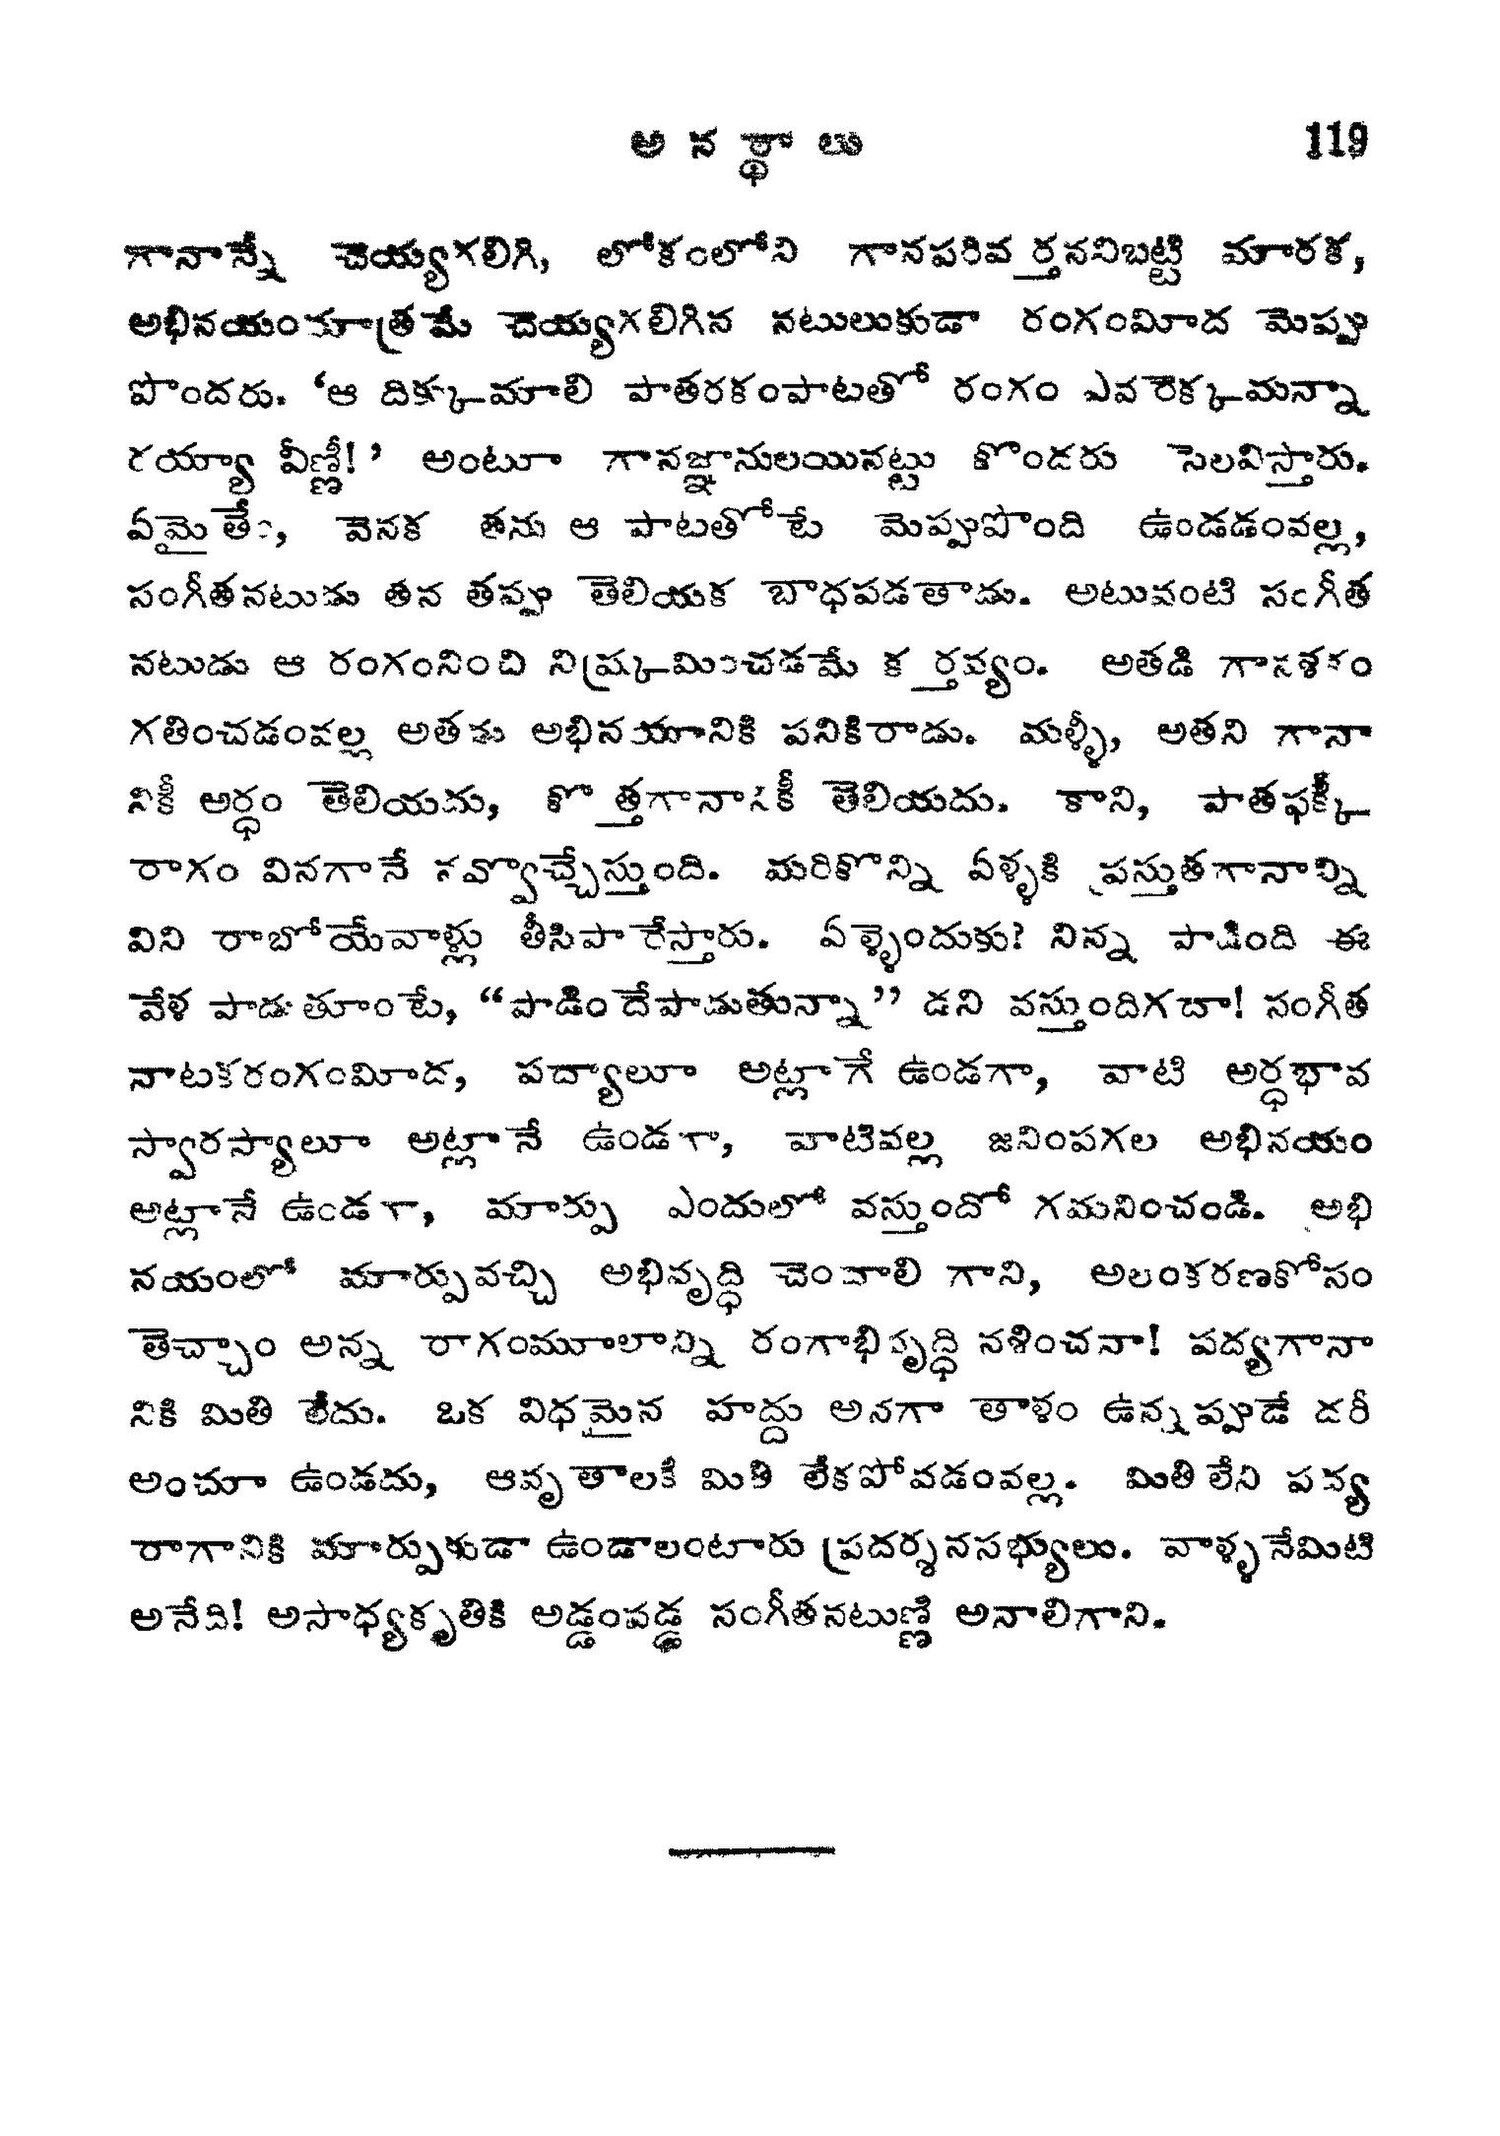గానాన్నే చెయ్యగలిగి, లోకంలోని గానపరివర్తననిబట్టి మారక,
అభినయంమాత్రమే చెయ్యగలిగిన నటులుకుడా రంగంమీద మెప్పు
పొందరు. 'ఆ దిక్కుమాలి పాతరకంపాటతో రంగం ఎవరెక్కమన్నా
రయ్యా వీణ్ణీ!' అంటూ గానజ్ఞానులయినట్టు కొందరు సెలవిస్తారు.
ఏమైతేం, వెనక తను ఆ పాటతోటే మెప్పుపొంది ఉండడంవల్ల,
సంగీతనటుడు తన తప్పు తెలియక బాధపడతాడు. అటువంటి సంగీత
నటుడు ఆ రంగంనించి నిష్క్రమించడమే కర్తవ్యం. అతడి గానశకం
గతించడంవల్ల అతడు అభినయానికి పనికిరాడు. మళ్ళీ, అతని గానా
నికీ అర్ధం తెలియదు, కొత్తగానానికీ తెలియదు. కాని, పాతఫక్కీ
రాగం వినగానే నవ్వొచ్చేస్తుంది. మరికొన్ని ఏళ్ళకి ప్రస్తుత గానాన్ని
విని రాబోయేవాళ్లు తీసిపారేస్తారు. ఏళ్ళెందుకు? నిన్న పాడింది ఈ
వేళ పాడుతూంటే, “పాడిందేపాడుతున్నా" డని వస్తుందిగదా! సంగీత
నాటకరంగంమీద, పద్యాలూ అట్లాగే ఉండగా, వాటి అర్ధభావ
స్వారస్యాలూ అట్లానే ఉండగా, వాటివల్ల జనింపగల అభినయం
అట్లానే ఉండగా, మార్పు ఎందులో వస్తుందో గమనించండి. అభి
నయంలో మార్పువచ్చి అభివృద్ధి చెందాలి గాని, అలంకరణకోసం
తెచ్చాం అన్న రాగంమూలాన్ని రంగాభివృద్ధి నశించనా! పద్యగానా
నికి మితి లేదు. ఒక విధమైన హద్దు అనగా తాళం ఉన్నప్పుడే దరీ
అంచూ ఉండదు, ఆవృతాలకి మితి లేకపోవడంవల్ల. మితిలేని పద్య
రాగానికి మార్పుకుడా ఉండాలంటారు ప్రదర్శనసభ్యులు. వాళ్ళనేమిటి
అనేది! అసాధ్యకృతికి అడ్డంవడ్డ సంగీతనటుణ్ణి అనాలిగాని.